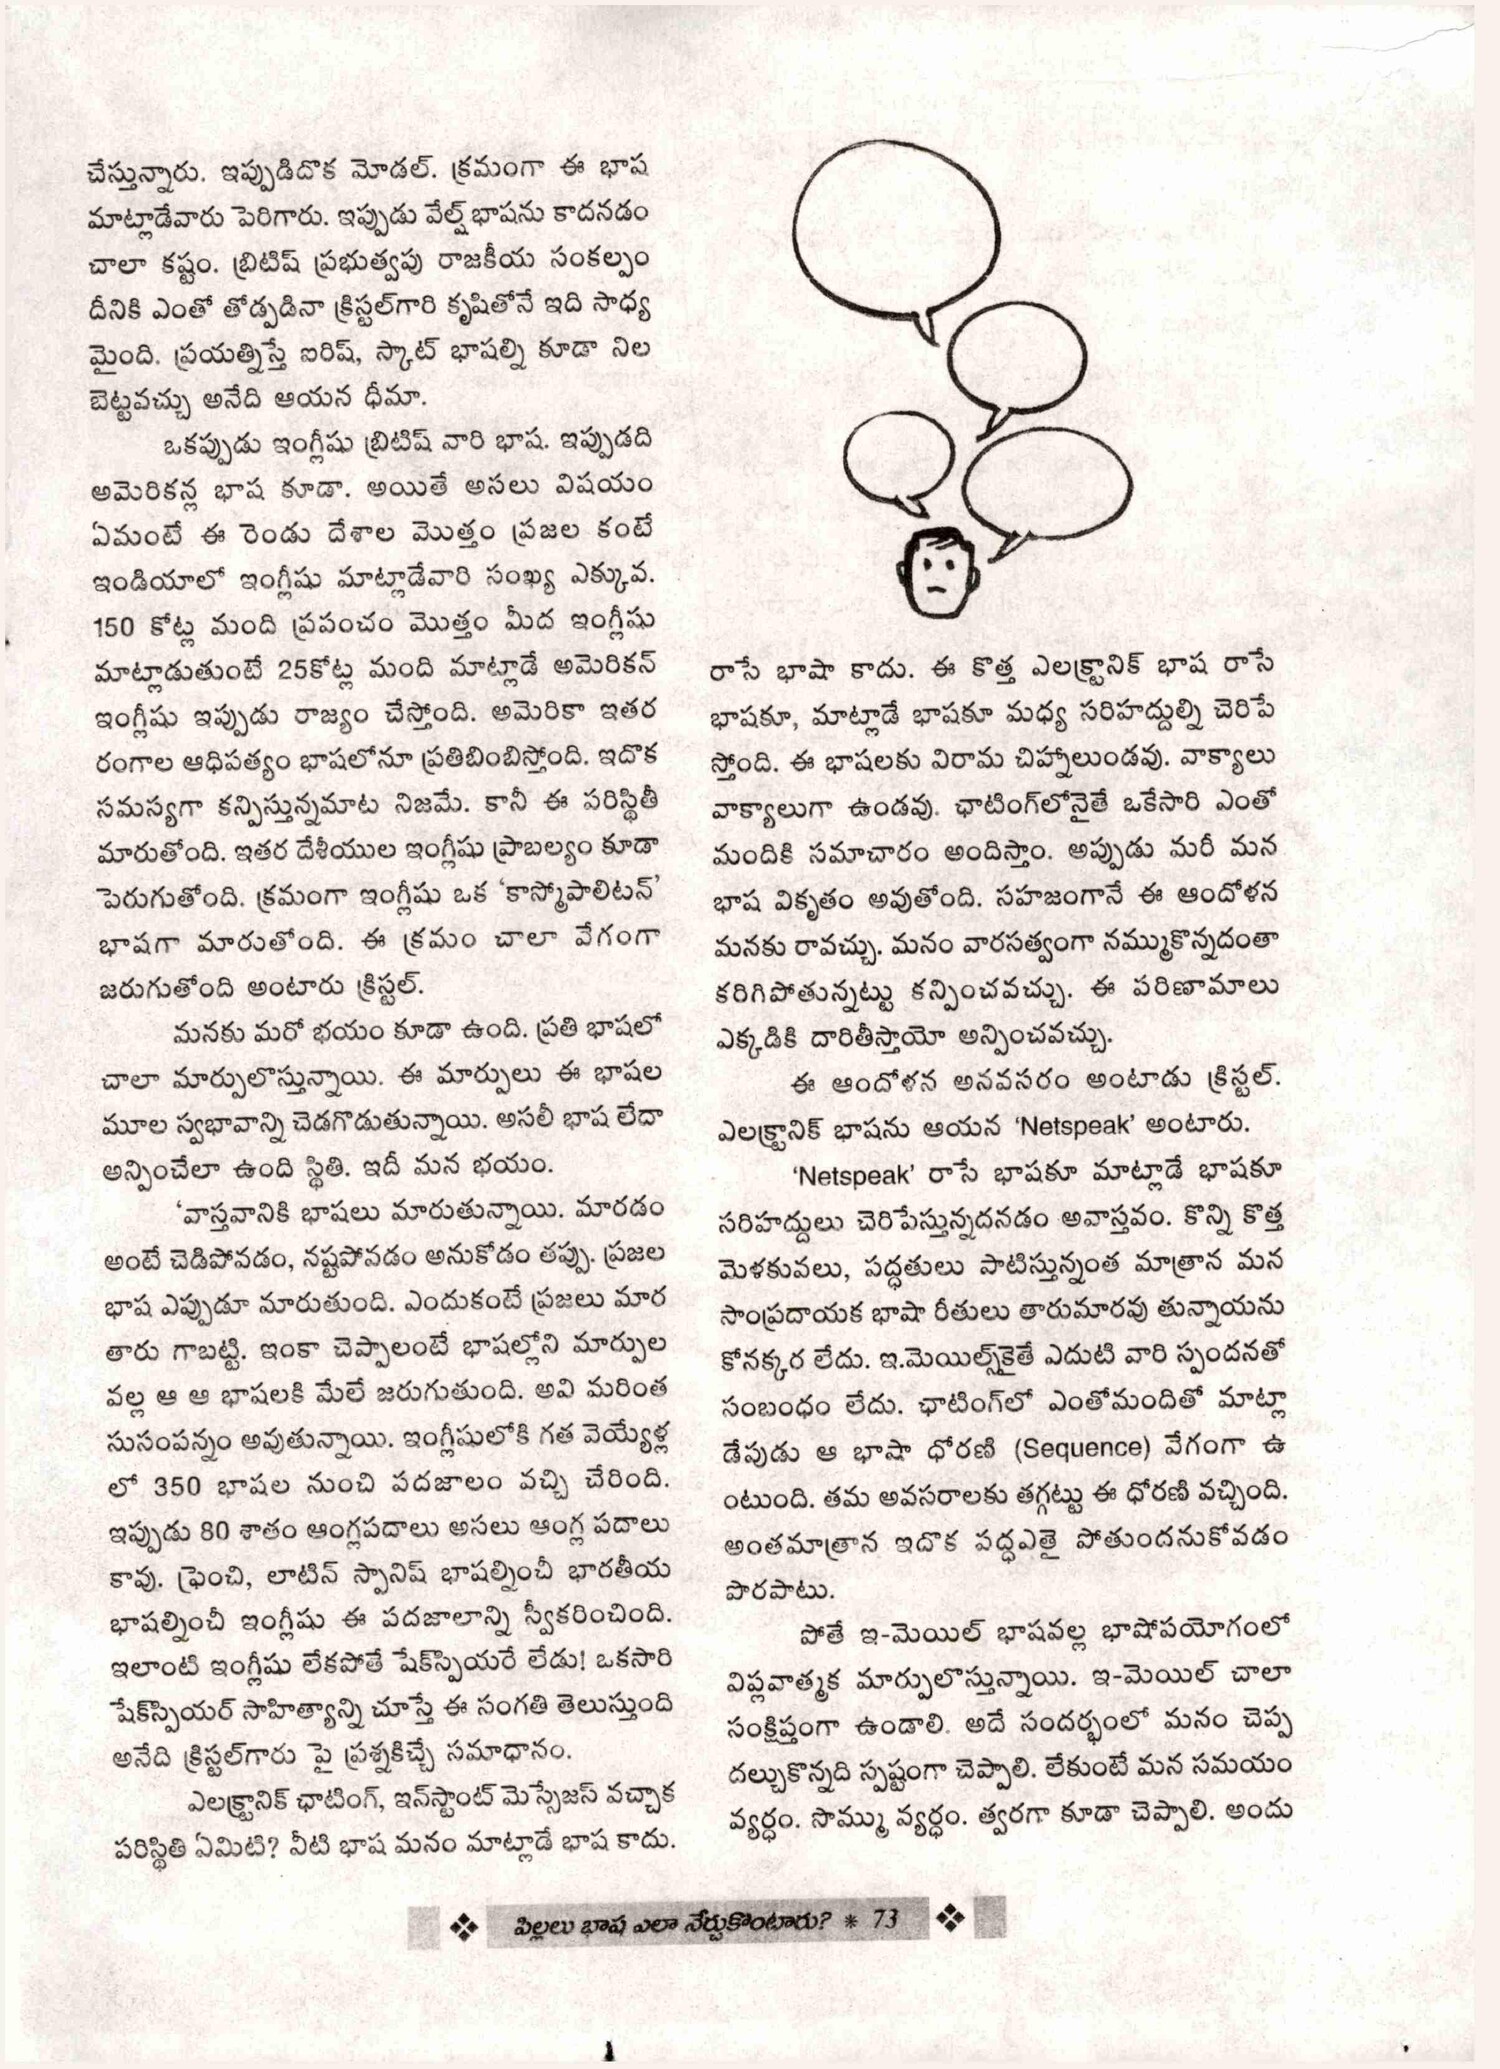చేస్తున్నారు. ఇప్పుడిదొక మోడల్. క్రమంగా ఈ భాష మాట్లాడేవారు పెరిగారు. ఇప్పుడు వేల్ష్ భాషను కాదనడం చాలా కష్టం. బ్రిటిష్ ప్రభుత్వపు రాజకీయ సంకల్పం దీనికి ఎంతో తోడ్పడినా క్రిస్టల్‌గారి కృషితోనే ఇది సాధ్యమైంది. ప్రయత్నిస్తే ఐరిష్, స్కాట్ భాషల్ని కూడా నిలబెట్టవచ్చు అనేది ఆయన ధీమా.

ఒకప్పుడు ఇంగ్లీషు బ్రిటిష్ వారి భాష. ఇప్పుడది అమెరికన్ల భాష కూడా. అయితే అసలు విషయం ఏమంటే ఈ రెండు దేశాల మొత్తం ప్రజల కంటే ఇండియాలో ఇంగ్లీషు మాట్లాడేవారి సంఖ్య ఎక్కువ. 150 కోట్ల మంది ప్రపంచం మొత్తం మీద ఇంగ్లీషు మాట్లాడుతుంటే 25కోట్ల మంది మాట్లాడే అమెరికన్ ఇంగ్లీషు ఇప్పుడు రాజ్యం చేస్తోంది. అమెరికా ఇతర రంగాల ఆధిపత్యం భాషలోనూ ప్రతిబింబిస్తోంది. ఇదొక సమస్యగా కన్పిస్తున్నమాట నిజమే. కానీ ఈ పరిస్థితీ మారుతోంది. ఇతర దేశీయులు ఇంగ్లీషు ప్రాబల్యం కూడా పెరుగుతోంది. క్రమంగా ఇంగ్లీషు ఒక 'కాస్మోపాలిటన్' భాషగా మారుతోంది. ఈ క్రమం చాలా వేగంగా జరుగుతోంది అంటారు క్రిస్టల్.

మనకు మరో భయం కూడా ఉంది. ప్రతి భాషలో చాలా మార్పులొస్తున్నాయి. ఈ మార్పులు ఈ భాషల మూల స్వభావాన్ని చెడగొడుతున్నాయి. అసలీ భాష లేదా అన్పించేలా ఉంది స్థితి. ఇదీ మన భయం.

‘వాస్తవానికి భాషలు మారుతున్నాయి. మారడం అంటే చెడిపోవడం, నష్టపోవడం అనుకోడం తప్పు. ప్రజల భాష ఎప్పుడూ మారుతుంది. ఎందుకంటే ప్రజలు మారతారు గాబట్టి. ఇంకా చెప్పాలంటే భాషల్లోని మార్పులవల్ల ఆ ఆ భాషలకి మేలే జరుగుతుంది. అవి మరింత సుసంపన్నం అవుతున్నాయి. ఇంగ్లీషులోకి గత వెయ్యేళ్లలో 350 భాషల నుంచి పదజాలం వచ్చి చేరింది. ఇప్పుడు 80 శాతం ఆంగ్లపదాలు అసలు ఆంగ్ల పదాలుకావు. ఫ్రెంచి, లాటిన్ స్పానిష్ భాషల్నించీ భారతీయ భాషల్నించీ ఇంగ్లీషు ఈ పదజాలాన్ని స్వీకరించింది. ఇలాంటి ఇంగ్లీషు లేకపోతే షేక్‌స్పియరే లేడు! ఒకసారి షేక్‌స్పియర్ సాహిత్యాన్ని చూస్తే ఈ సంగతి తెలుస్తుంది అనేది క్రిస్టల్‌గారు పై ప్రశ్నకిచ్చే సమాధానం.

ఎలక్ట్రానిక్ ఛాటింగ్, ఇన్‌స్టాంట్ మెస్సేజస్ వచ్చాక పరిస్థితి ఏమిటి? వీటి భాష మనం మాట్లాడే భాష కాదు. రాసే భాషా కాదు. ఈ కొత్త ఎలక్ట్రానిక్ భాష రాసే భాషకూ, మాట్లాడే భాషకూ మధ్య సరిహద్దుల్ని చెరిపేస్తోంది. ఈ భాషలకు విరామ చిహ్నాలుండవు. వాక్యాలు వాక్యాలుగా ఉండవు. ఛాటింగ్‌లోనైతే ఒకేసారి ఎంతో మందికి సమాచారం అందిస్తాం. అప్పుడు మరీ మన భాష వికృతం అవుతోంది. సహజంగానే ఈ ఆందోళన మనకు రావచ్చు. మనం వారసత్వంగా నమ్ముకొన్నదంతా కరిగిపోతున్నట్టు కన్పించవచ్చు. ఈ పరిణామాలు ఎక్కడికి దారితీస్తాయో అన్పించవచ్చు.

ఈ ఆందోళన అనవసరం అంటాడు క్రిస్టల్. ఎలక్ట్రానిక్ భాషను ఆయన 'Netspeak' అంటారు.

'Netspeak' రాసే భాషకూ మాట్లాడే భాషకూ సరిహద్దులు చెరిపేస్తున్నదనడం అవాస్తవం. కొన్ని కొత్త మెళకువలు, పద్ధతులు పాటిస్తున్నంత మాత్రాన మన సాంప్రదాయక భాషా రీతులు తారుమారవు తున్నాయను కోనక్కర లేదు. ఇ.మెయిల్స్‌కైతే ఎదుటి వారి స్పందనతో సంబంధం లేదు. ఛాటింగ్‌లో ఎంతోమందితో మాట్లాడేపుడు ఆ భాషా ధోరణి (Sequence) వేగంగా ఉంటుంది. తమ అవసరాలకు తగ్గట్టు ఈ ధోరణి వచ్చింది. అంతమాత్రాన ఇదొక పద్దఎతై పోతుందనుకోవడం పొరపాటు.

పోతే ఇ-మెయిల్ భాషవల్ల భాషోపయోగంలో విప్లవాత్మక మార్పులొస్తున్నాయి. ఇ-మెయిల్ చాలా సంక్షిప్తంగా ఉండాలి. అదే సందర్భంలో మనం చెప్పదల్చుకొన్నది స్పష్టంగా చెప్పాలి. లేకుంటే మన సమయం వ్యర్ధం. సొమ్ము వ్యర్ధం. త్వరగా కూడా చెప్పాలి. అందు